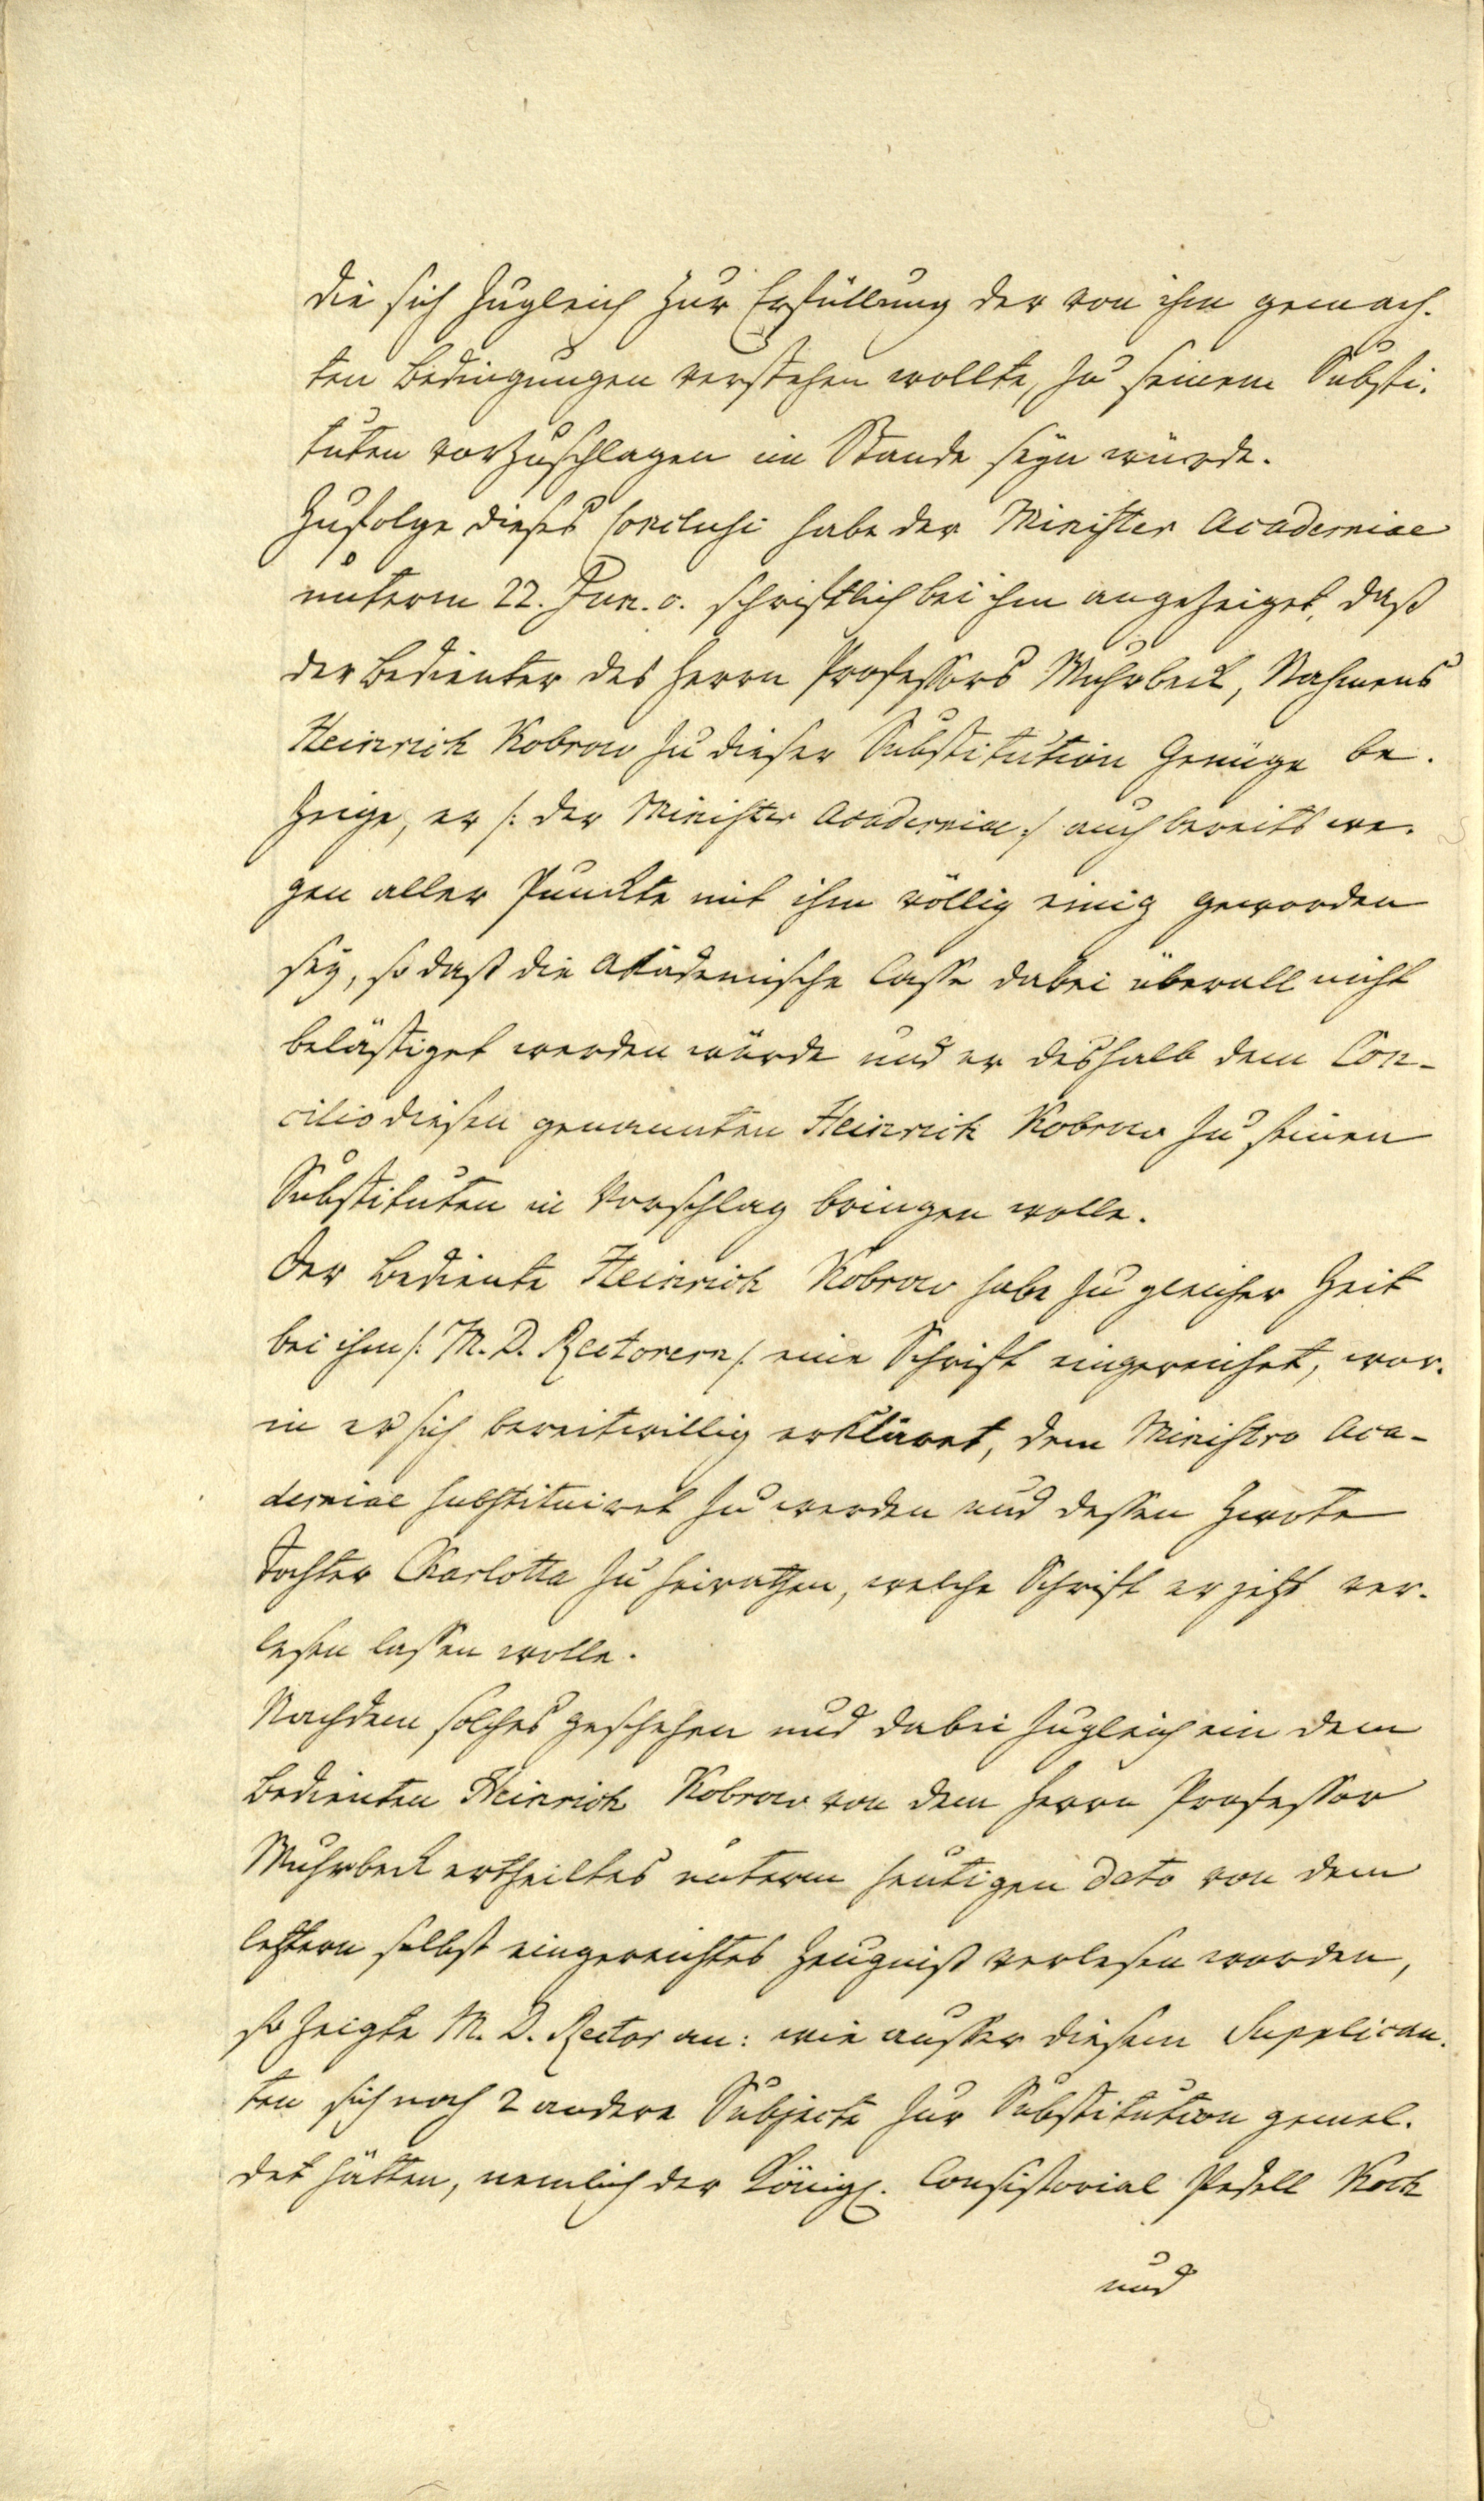die sich zugleich zur Erfüllung der von ihm gemach¬
ten Bedingungen verstehen wollte, zu seinem Substi¬
tuten vorzuschlagen im Stande seÿn würde.
Zufolge dieses Conclusi habe der Minister Academiae
unterm 22. Jun. c. schriftlich bei ihm angezeiget, daß
der Bedienter des herrn Professors Muhrbeck, Nahmens
Heinrich Kobrow zu dieser Substitution Genüge be¬
zeige, er / der Minister Academiae / auch bereits we¬
gen aller Punckte mit ihm völlig einig geworden
seÿ, so daß die akademische Casse dabei überall nicht
belästiget werden würde und er deshalb dem Con¬
cilio diesen genannten Heinrich Kobrow zu seinen
Substituten in Vorschlag bringen wolle.
Der Bediente Heinrich Kobrow habe zu gleicher Zeit
bei ihm / M. D. Rectorem / eine Schrift eingereichet, wor¬
in er sich bereitwillig erkläret, dem Ministro Aca¬
demiae substituiret zu werden und dessen zwote
Tochter Charlotta zu heirathen, welche Schrift er jetzt ver¬
lesen lassen wolle.
Nachdem solches geschehen und dabei zugleich ein dem
Bedienten Heinrich Kobrow von dem herrn Professor
Muhrbeck ertheiltes unterm heutigen dato von dem
letztern selbst eingereichtes Zeugniß verlesen worden,
so zeigte M. D. Rector an: wie außer diesem Supplican¬
ten sich noch 2 andere Subjecte zur Substitution gemel¬
det hätten, nemlich der Königl. Consistorial Pedell Koch
und